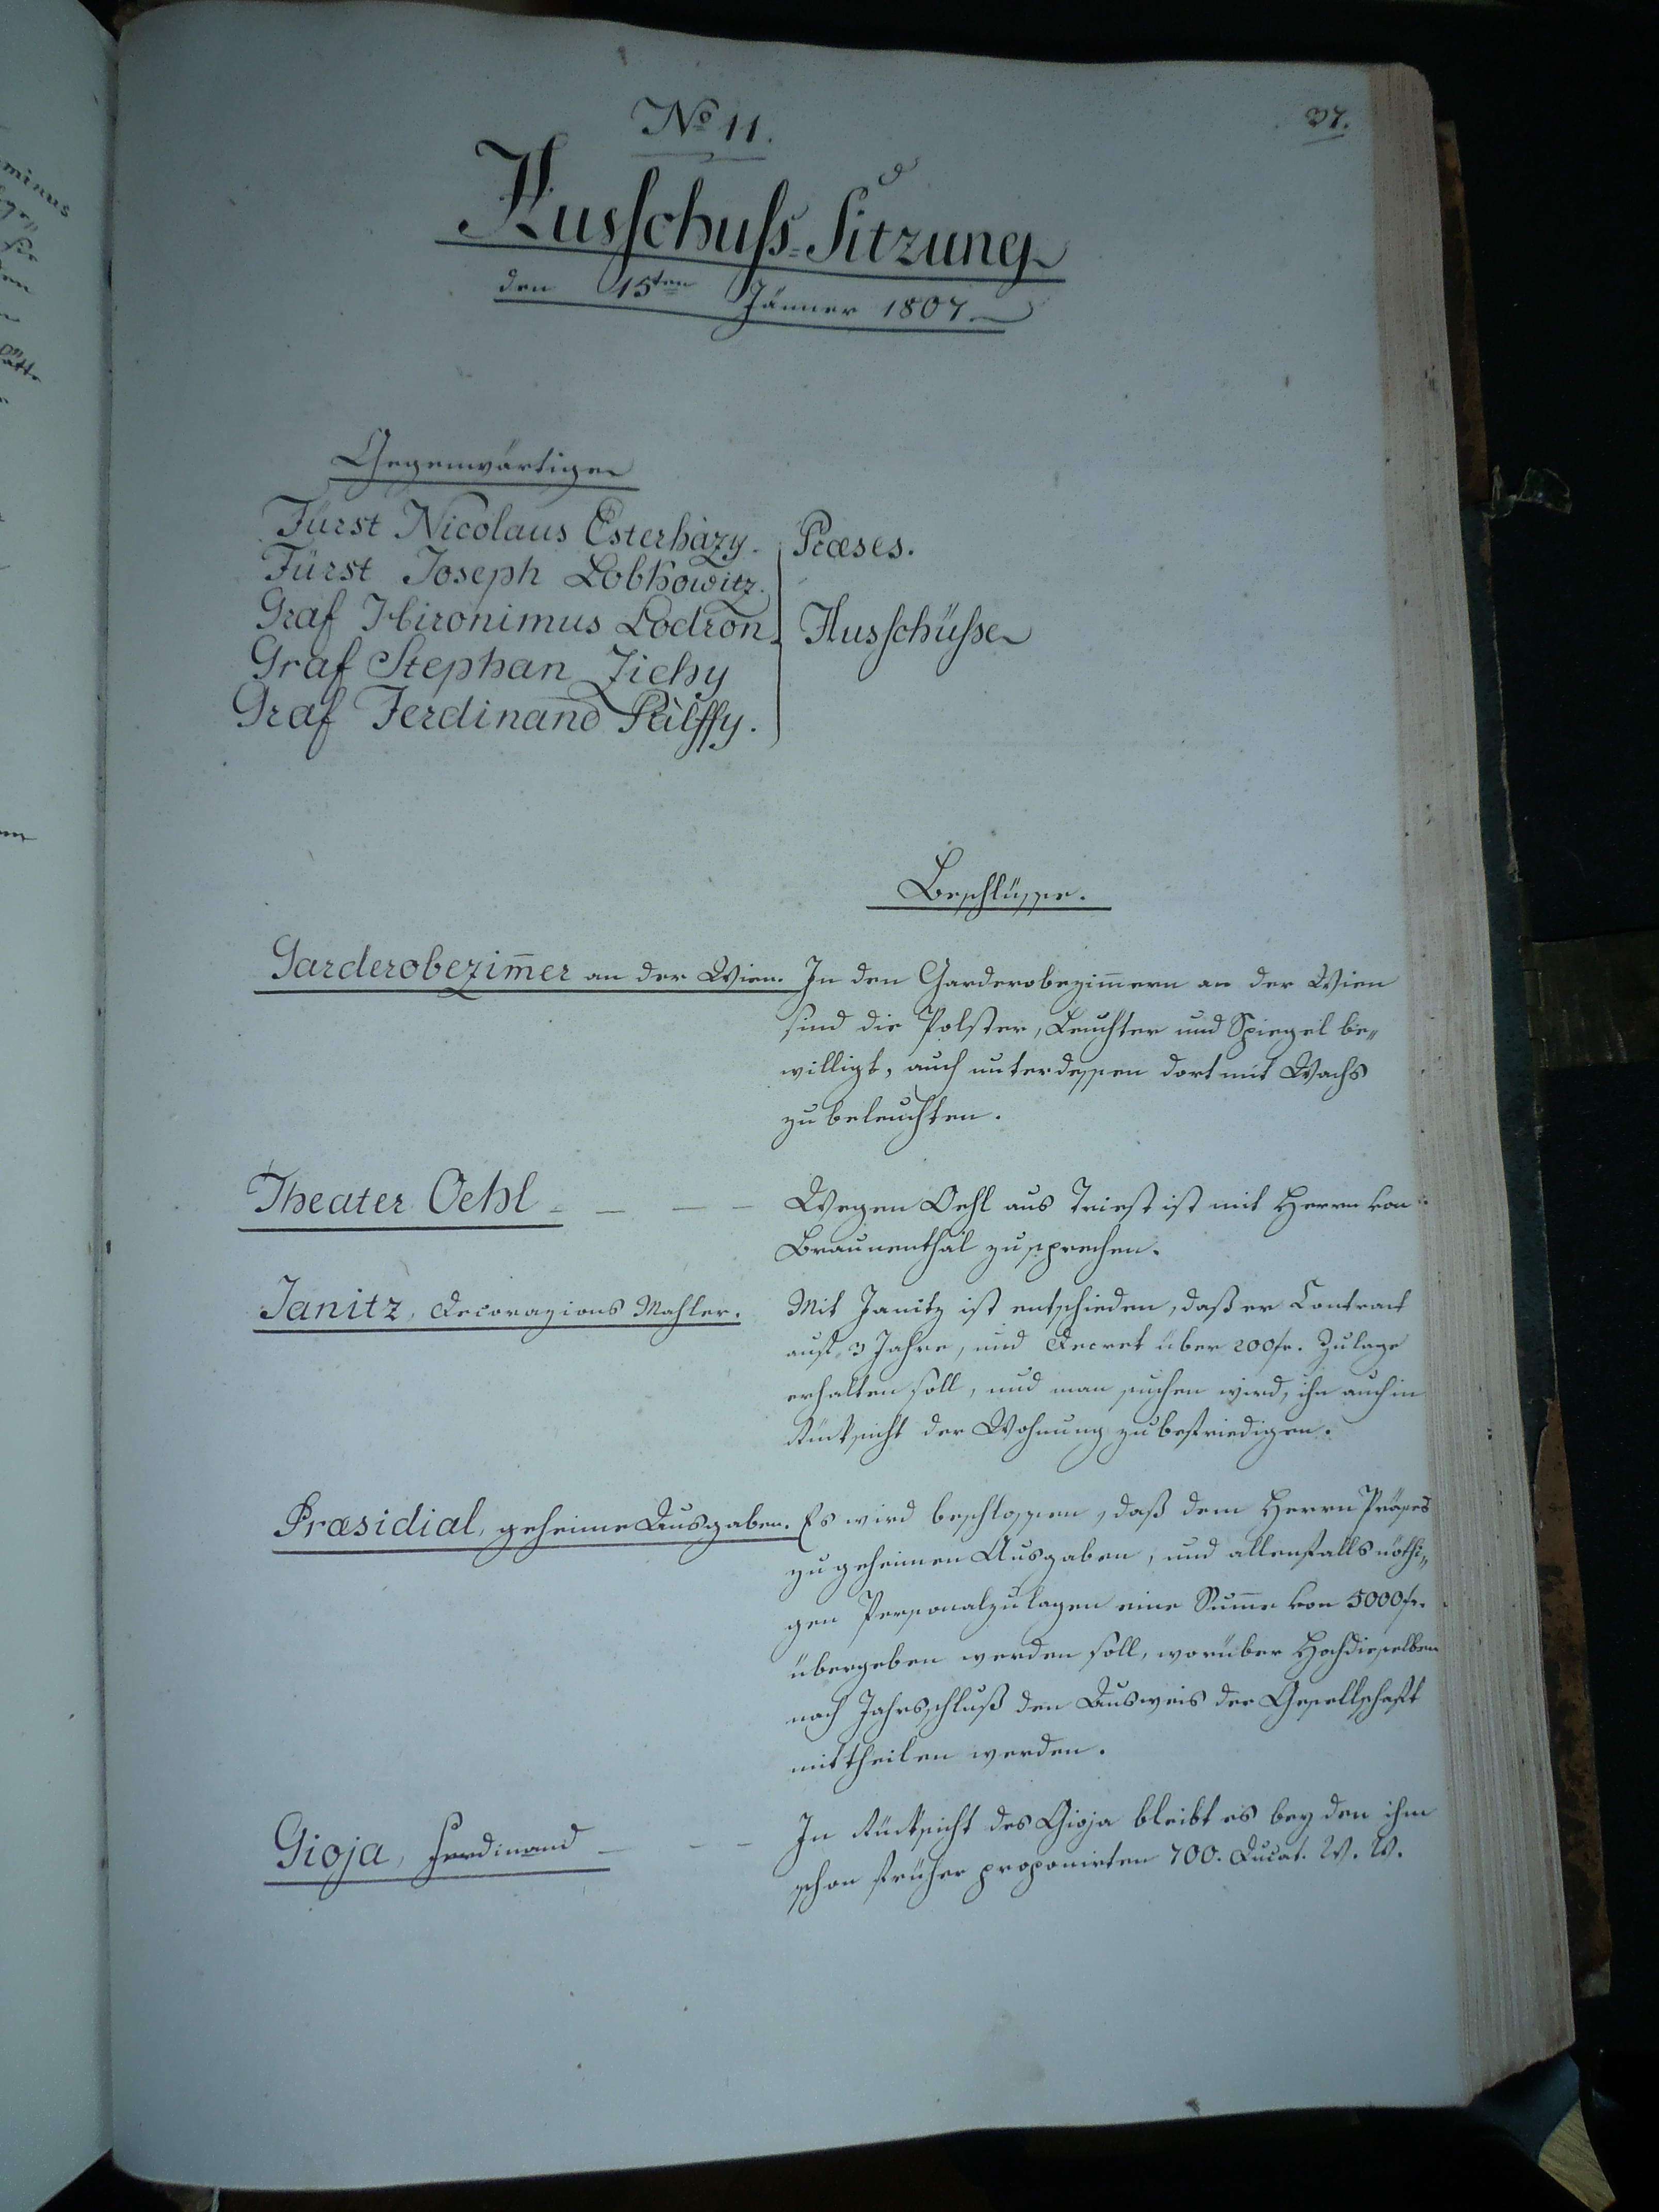37.
No͇ 11.
Ausschuss‗Sitzung
den 15te͇n Jänner 1807.
Gegenwärtige
Fürst Nicolaus Esterhàzy Præses.
Fürst Joseph Lobkowitz.
Graf Hironimus Lodron
Graf Stephan Zichy
Graf Ferdinand Pàlffy.
Ausschüsse
Beschlüsse.
Garderobezim̅er an der Wien. In den Garderobezim̅ern an der Wien
sind die Polster, Leuchter und Spiegel be¬
willigt, auch unterdessen dort mit Wachs
zu beleuchten.
Theater Oehl _ _ _ _ Wegen Oehl ausTriest ist mit Herrn von
Braunerthal zu sprechen.
Janitz, Decorazions Mahler. Mit Janitz ist entschieden, daß er Contract
auf 3 Jahre, und Decret über 200fr. Zulage
erhalten soll, und man suchen wird, ihn auch in
Rücksicht der Wohnung zu befriedigen.
Præsidial, geheime Ausgaben. Es wird beschlossen, daß dem Herrn Präses
zu geheimen Ausgaben, und allenfalls nöthi¬
gen Personalzulagen eine Summe von 5000fr.
übergeben werden soll, worüber Hochdieselben
nach Jahresschluß den Ausweis der Gesellschaft
mittheilen werden.
Gioja, Ferdinand _ _ _ In Rücksicht des Gioja bleibt es bey den ihm
schon früher proponirten 700. Ducat. W.W.